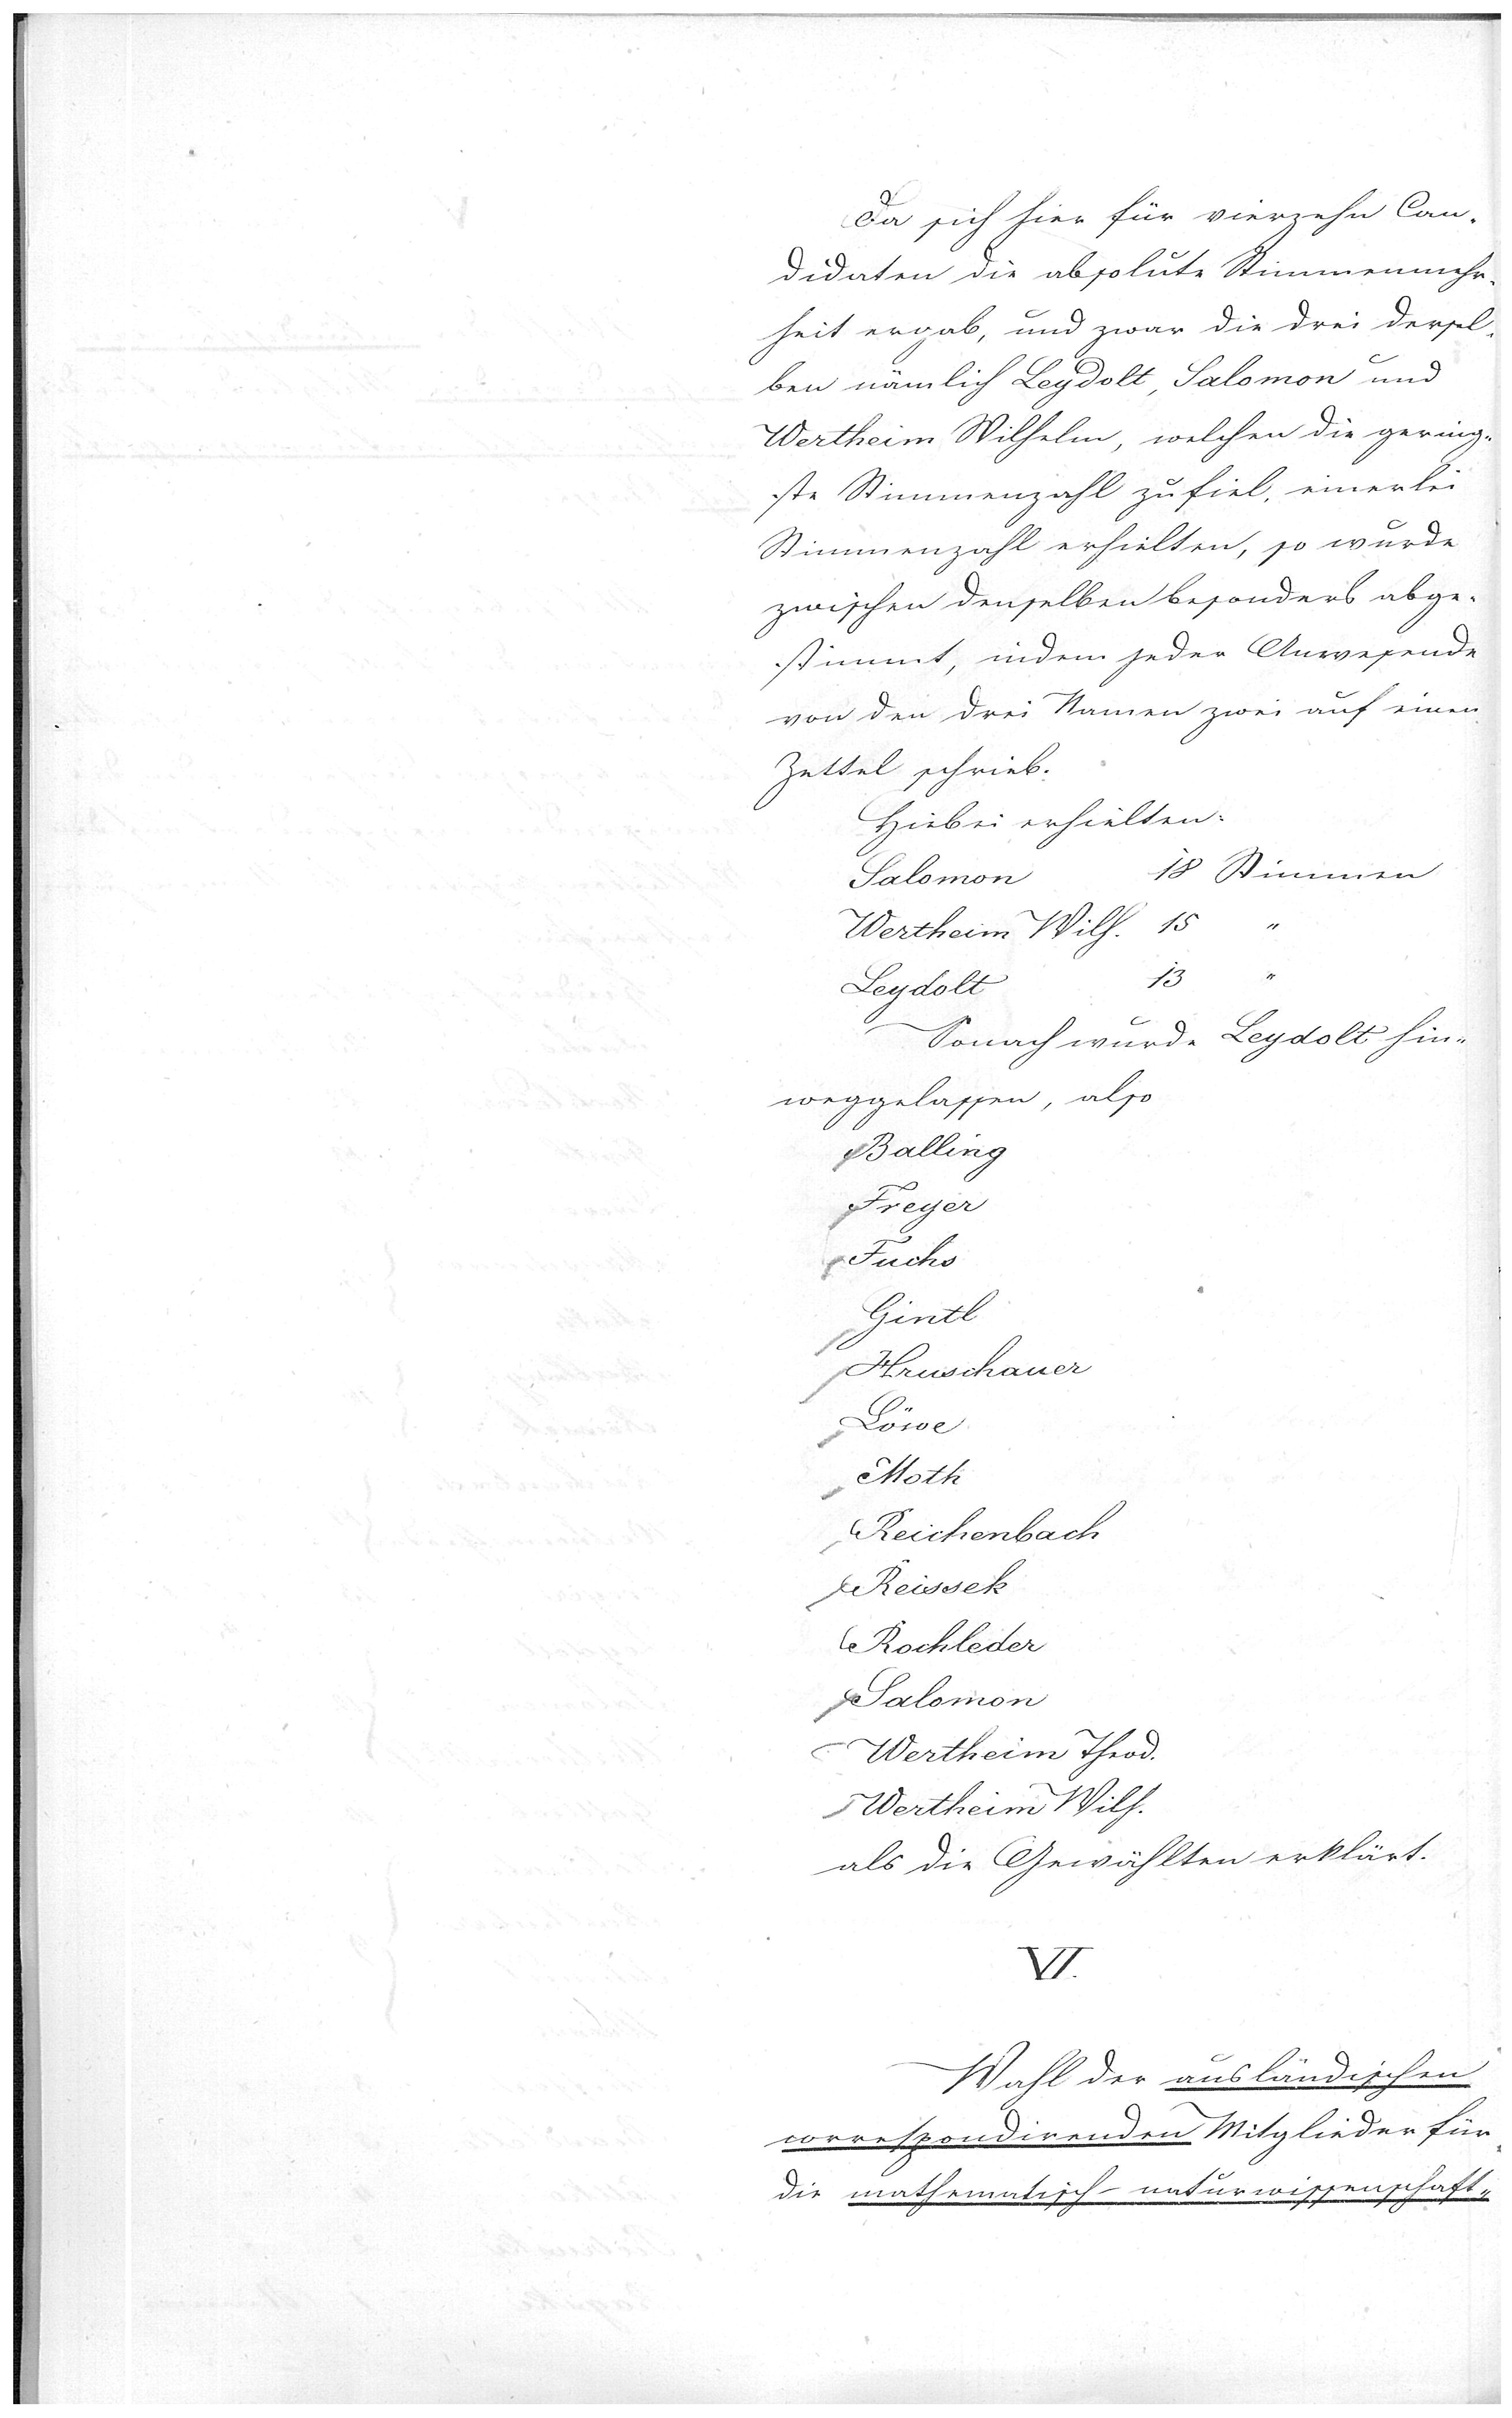Da sich hier für vierzehn Can-
didaten die absolute Stimmenmehr-
heit ergab, und zwar die drei dersel-
ben nämlich Leydolt, Salomon und
Wertheim Wilhelm, welchen die gering-
ste Stimmenzahl zufiel, einerlei
Stimmenzahl erhielten, so wurde
zwischen denselben besonders abge-
stimmt, indem jeder Anwesende
von den drei Namen zwei auf einen
Zettel schrieb.
Hiebei erhielten:
Salomon 18 Stimmen
Wertheim Wilh. 15 "
Leydolt 13 "
Sonach wurde Leydolt hin-
weggelassen, also
Balling
Freyer
Fuchs
Gintl
Hruschauer
Löwe
Moth
Reichenbach
Reissek
Rochleder
Salomon
Wertheim Theod.
Wertheim Wilh.
als die Gewählten erklärt.
VI.
Wahl der ausländischen
correspondirenden Mitglieder für
die mathematisch-naturwissenschaft-